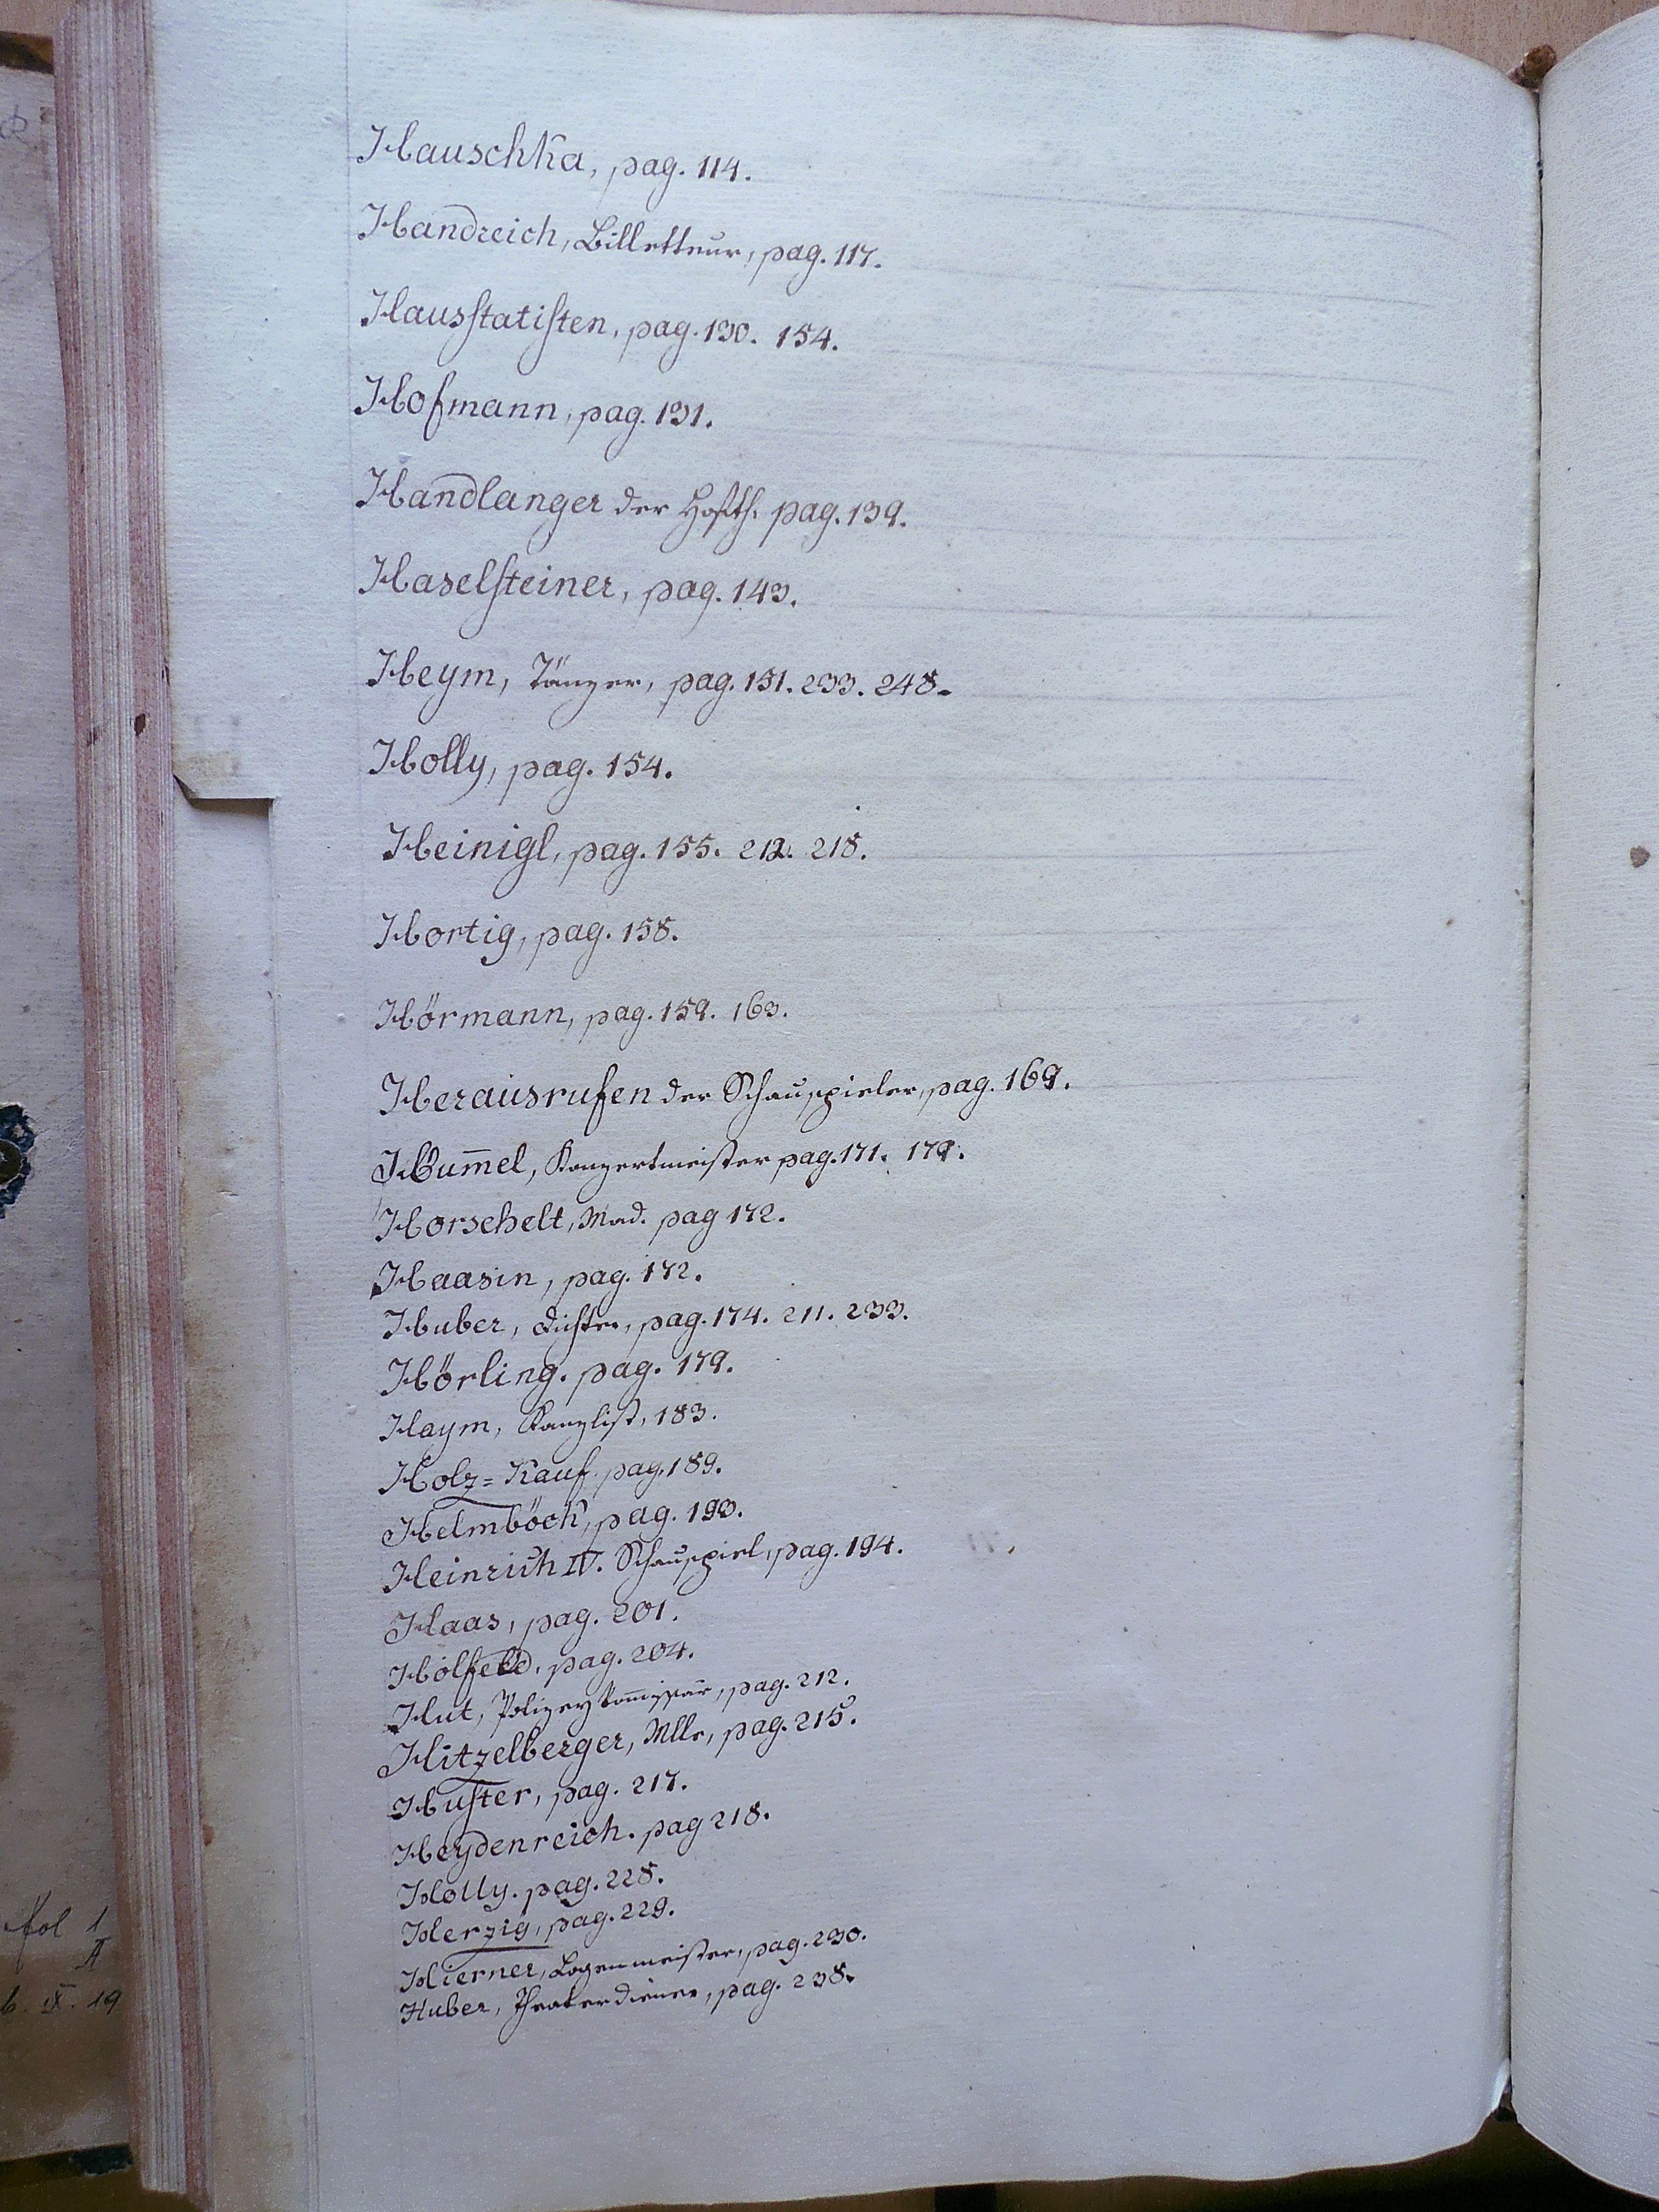Hauschka, pag 114.
Handreich, Billetteur, pag. 117.
Hausstatisten, pag. 130. 154.
Hofmann, pag. 131.
Handlanger der Hofth: pag. 139.
Haselsteiner, pag. 143.
Heym, Tänzer, pag. 151. 233. 248.
Holly, pag. 154.
Heinigl, pag. 155. 212. 218.
Hortig, pag. 158.
Hörmann, pag. 159. 163.
Herausrufen der Schauspieler, pag. 169.
Hum̅el, Konzertmeister pag. 171. 179.
Horschelt, Mad. pag 172.
Haasin, pag. 172.
Huber, Dichter, pag. 174. 211. 233.
Hörling. pag. 179.
Haym, Kanzlist, 183.
Holz=Kauf. pag. 189.
Helmböck, pag. 193.
Heinrich IV. Schauspiel, pag. 194.
Haas, pag. 201.
Holfeld, pag 204.
Hut, Polizeykom̅issär, pag. 212.
Hitzelberger, Mlle, pag. 215.
Huster, pag. 217.
Heydenreich. pag 218.
Holly. pag. 228.
Herzig, pag. 229.
Hierner, Logenmeister, pag. 230.
Huber, Theaterdiener, pag. 238.